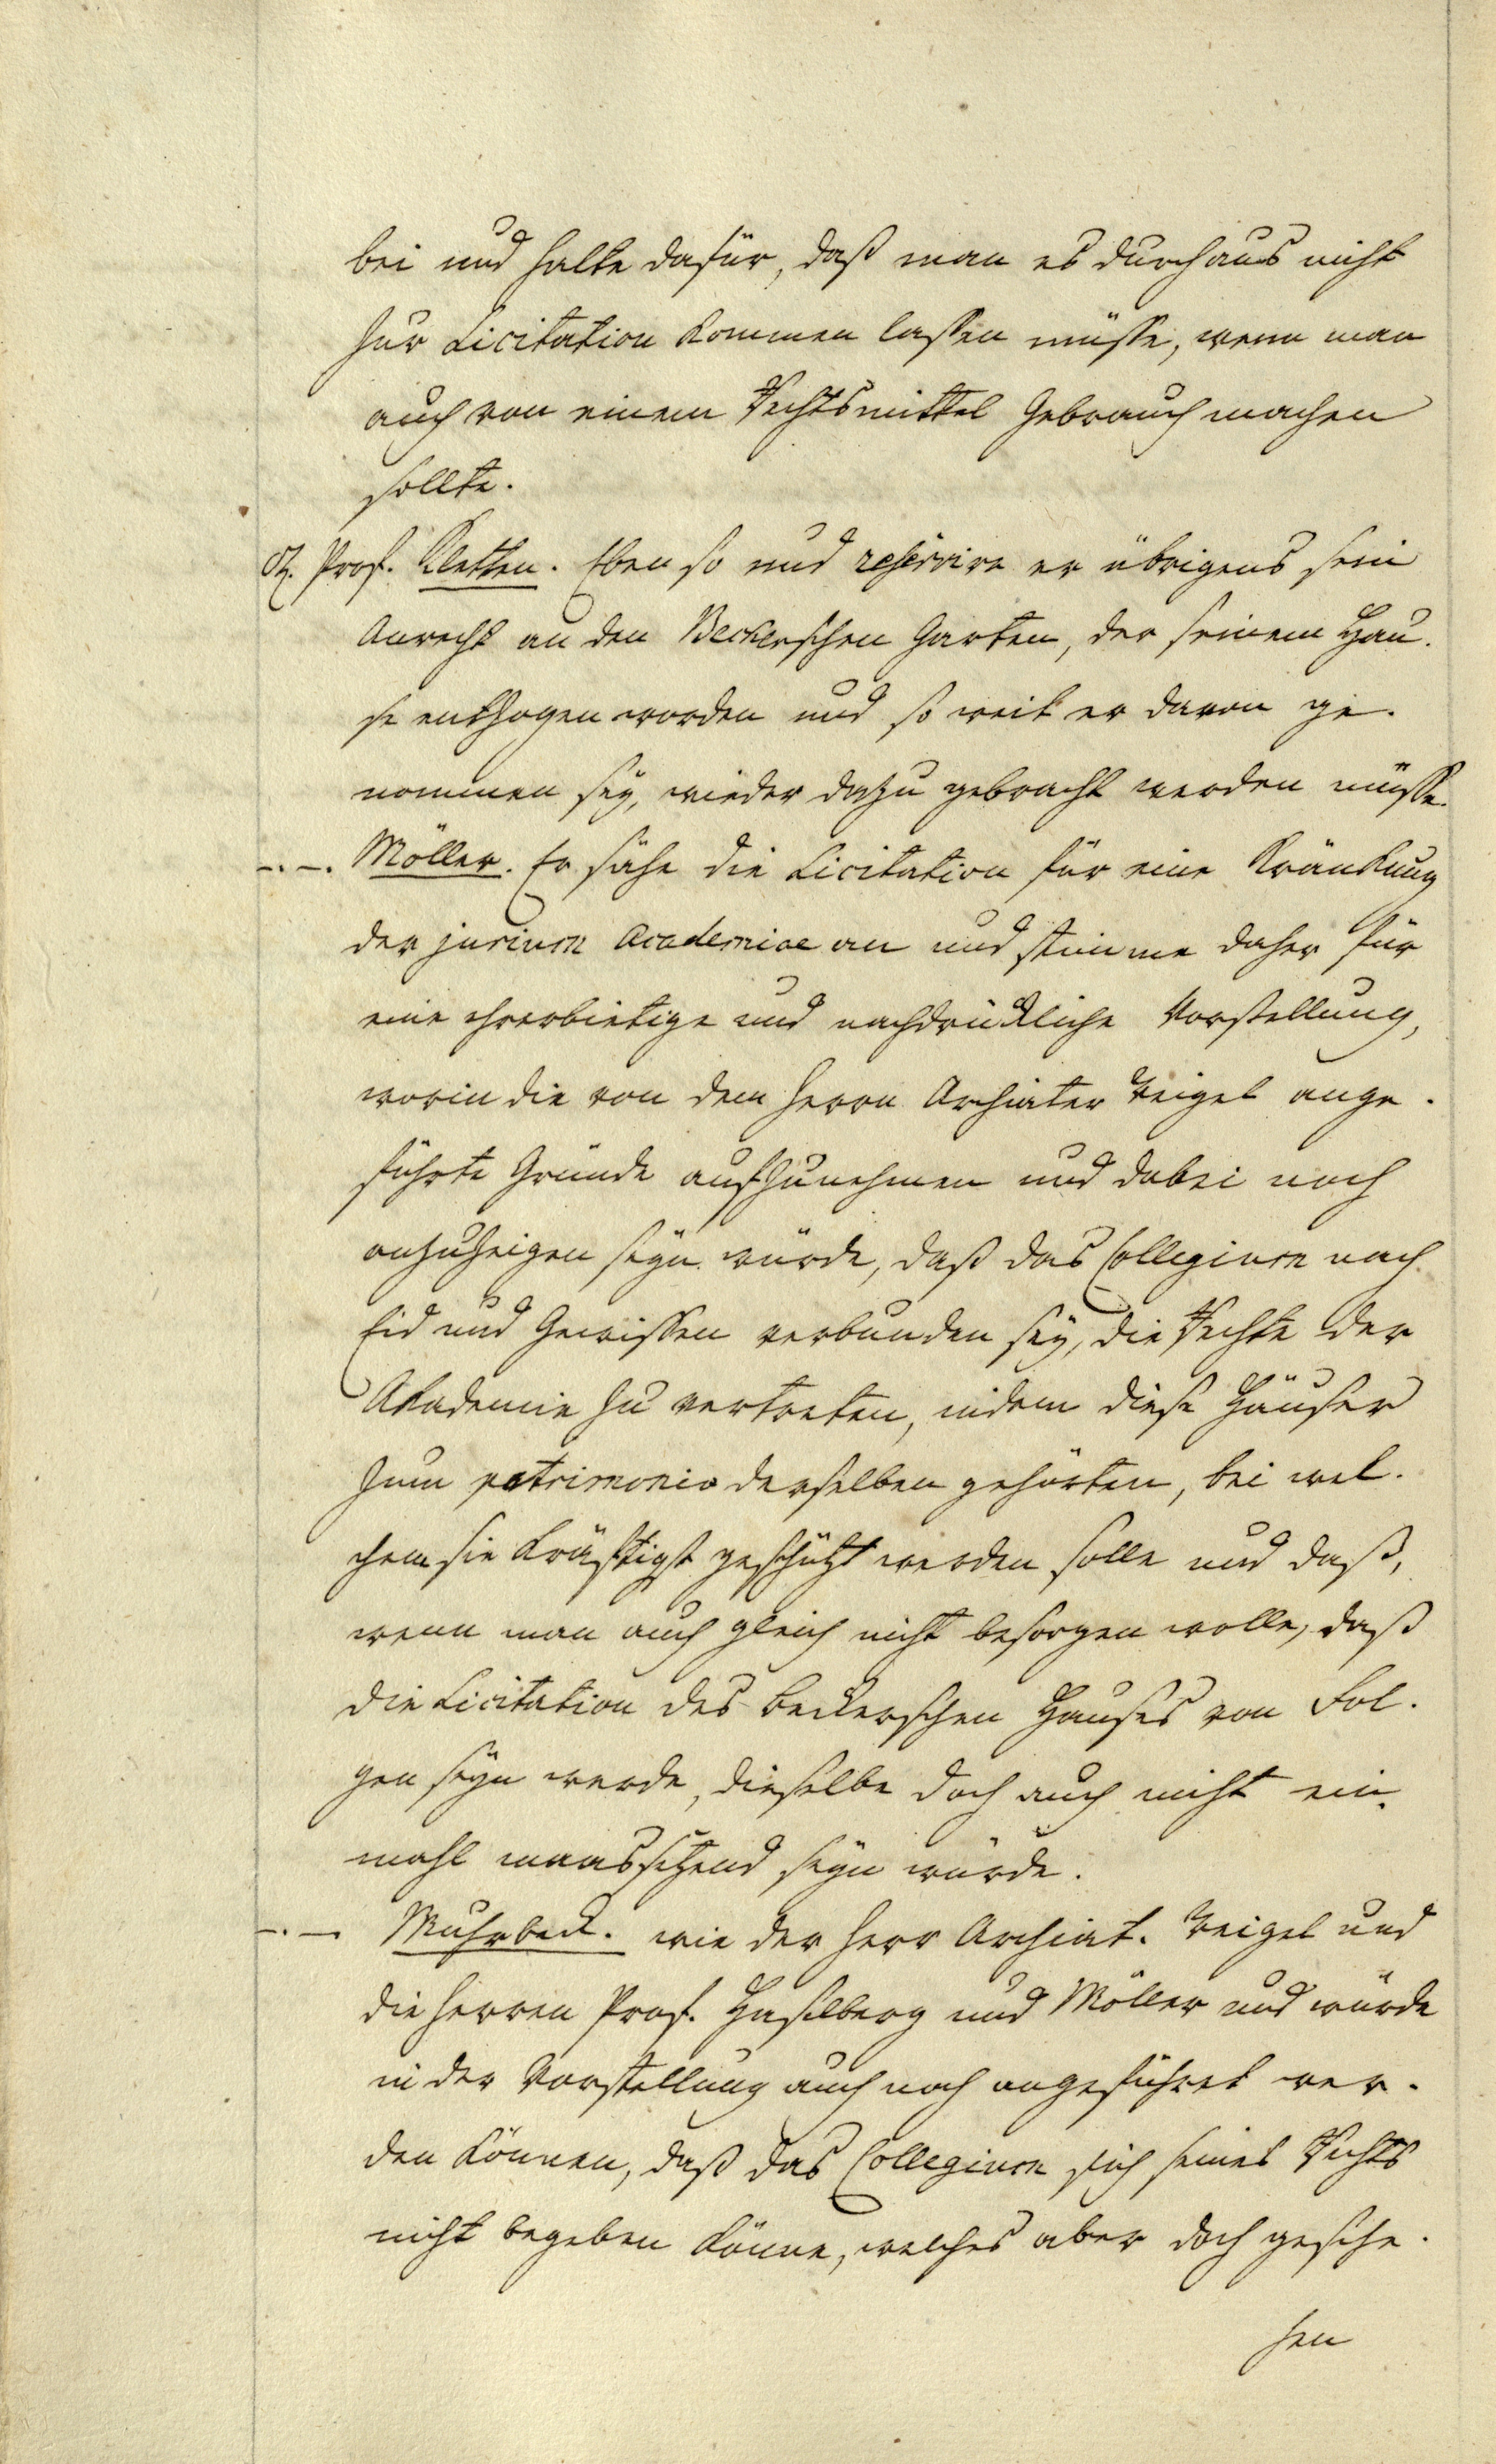bei und halte dafür, daß man es durchaus nicht
zur Licitation kommen lassen müsse, wenn man
auch von einem Rechtsmittel Gebrauch machen
sollte.
dh. Prof. Kletten. Eben so und reservire er übrigens sein
Anrecht an den Beckerschen Garten, der seinem Hau¬
se entzogen worden und so weit er davon ge¬
nommen seÿ, wieder dazu gebracht werden müsse.
Möller. Er sähe die Licitation für eine Kränkung
der jurium Academiae an und stimme daher für
eine ehrerbietige und nachdrückliche Vorstellung,
worin die von dem Herrn Archiater Weigel ange¬
führte Gründe aufzunehmen und dabei noch
anzuzeigen seÿn würde, daß das Collegium nach
Eid und Gewissen verbunden seÿ, die Rechte der
Akademie zu vertreten, indem diese Häuser
zum patrimonio derselben gehörten, bei wel¬
chem sie kräftigst geschützt werden solle und daß,
wenn man auch gleich nicht besorgen wolle, daß
die Licitation des Beckerschen Hauses von Fol¬
gen seÿn werde, dieselbe doch auch nicht ein¬
mahl maassetzend seÿn würde.
Muhrbeck. wie der Herr Archiat. Weigel und
die Herren Prof. Haselberg und Möller und würde
in der Vorstellung auch noch angeführet wer¬
den können, daß das Collegium sich seines Rechts
nicht begeben könne, welches aber doch gesche¬
hen